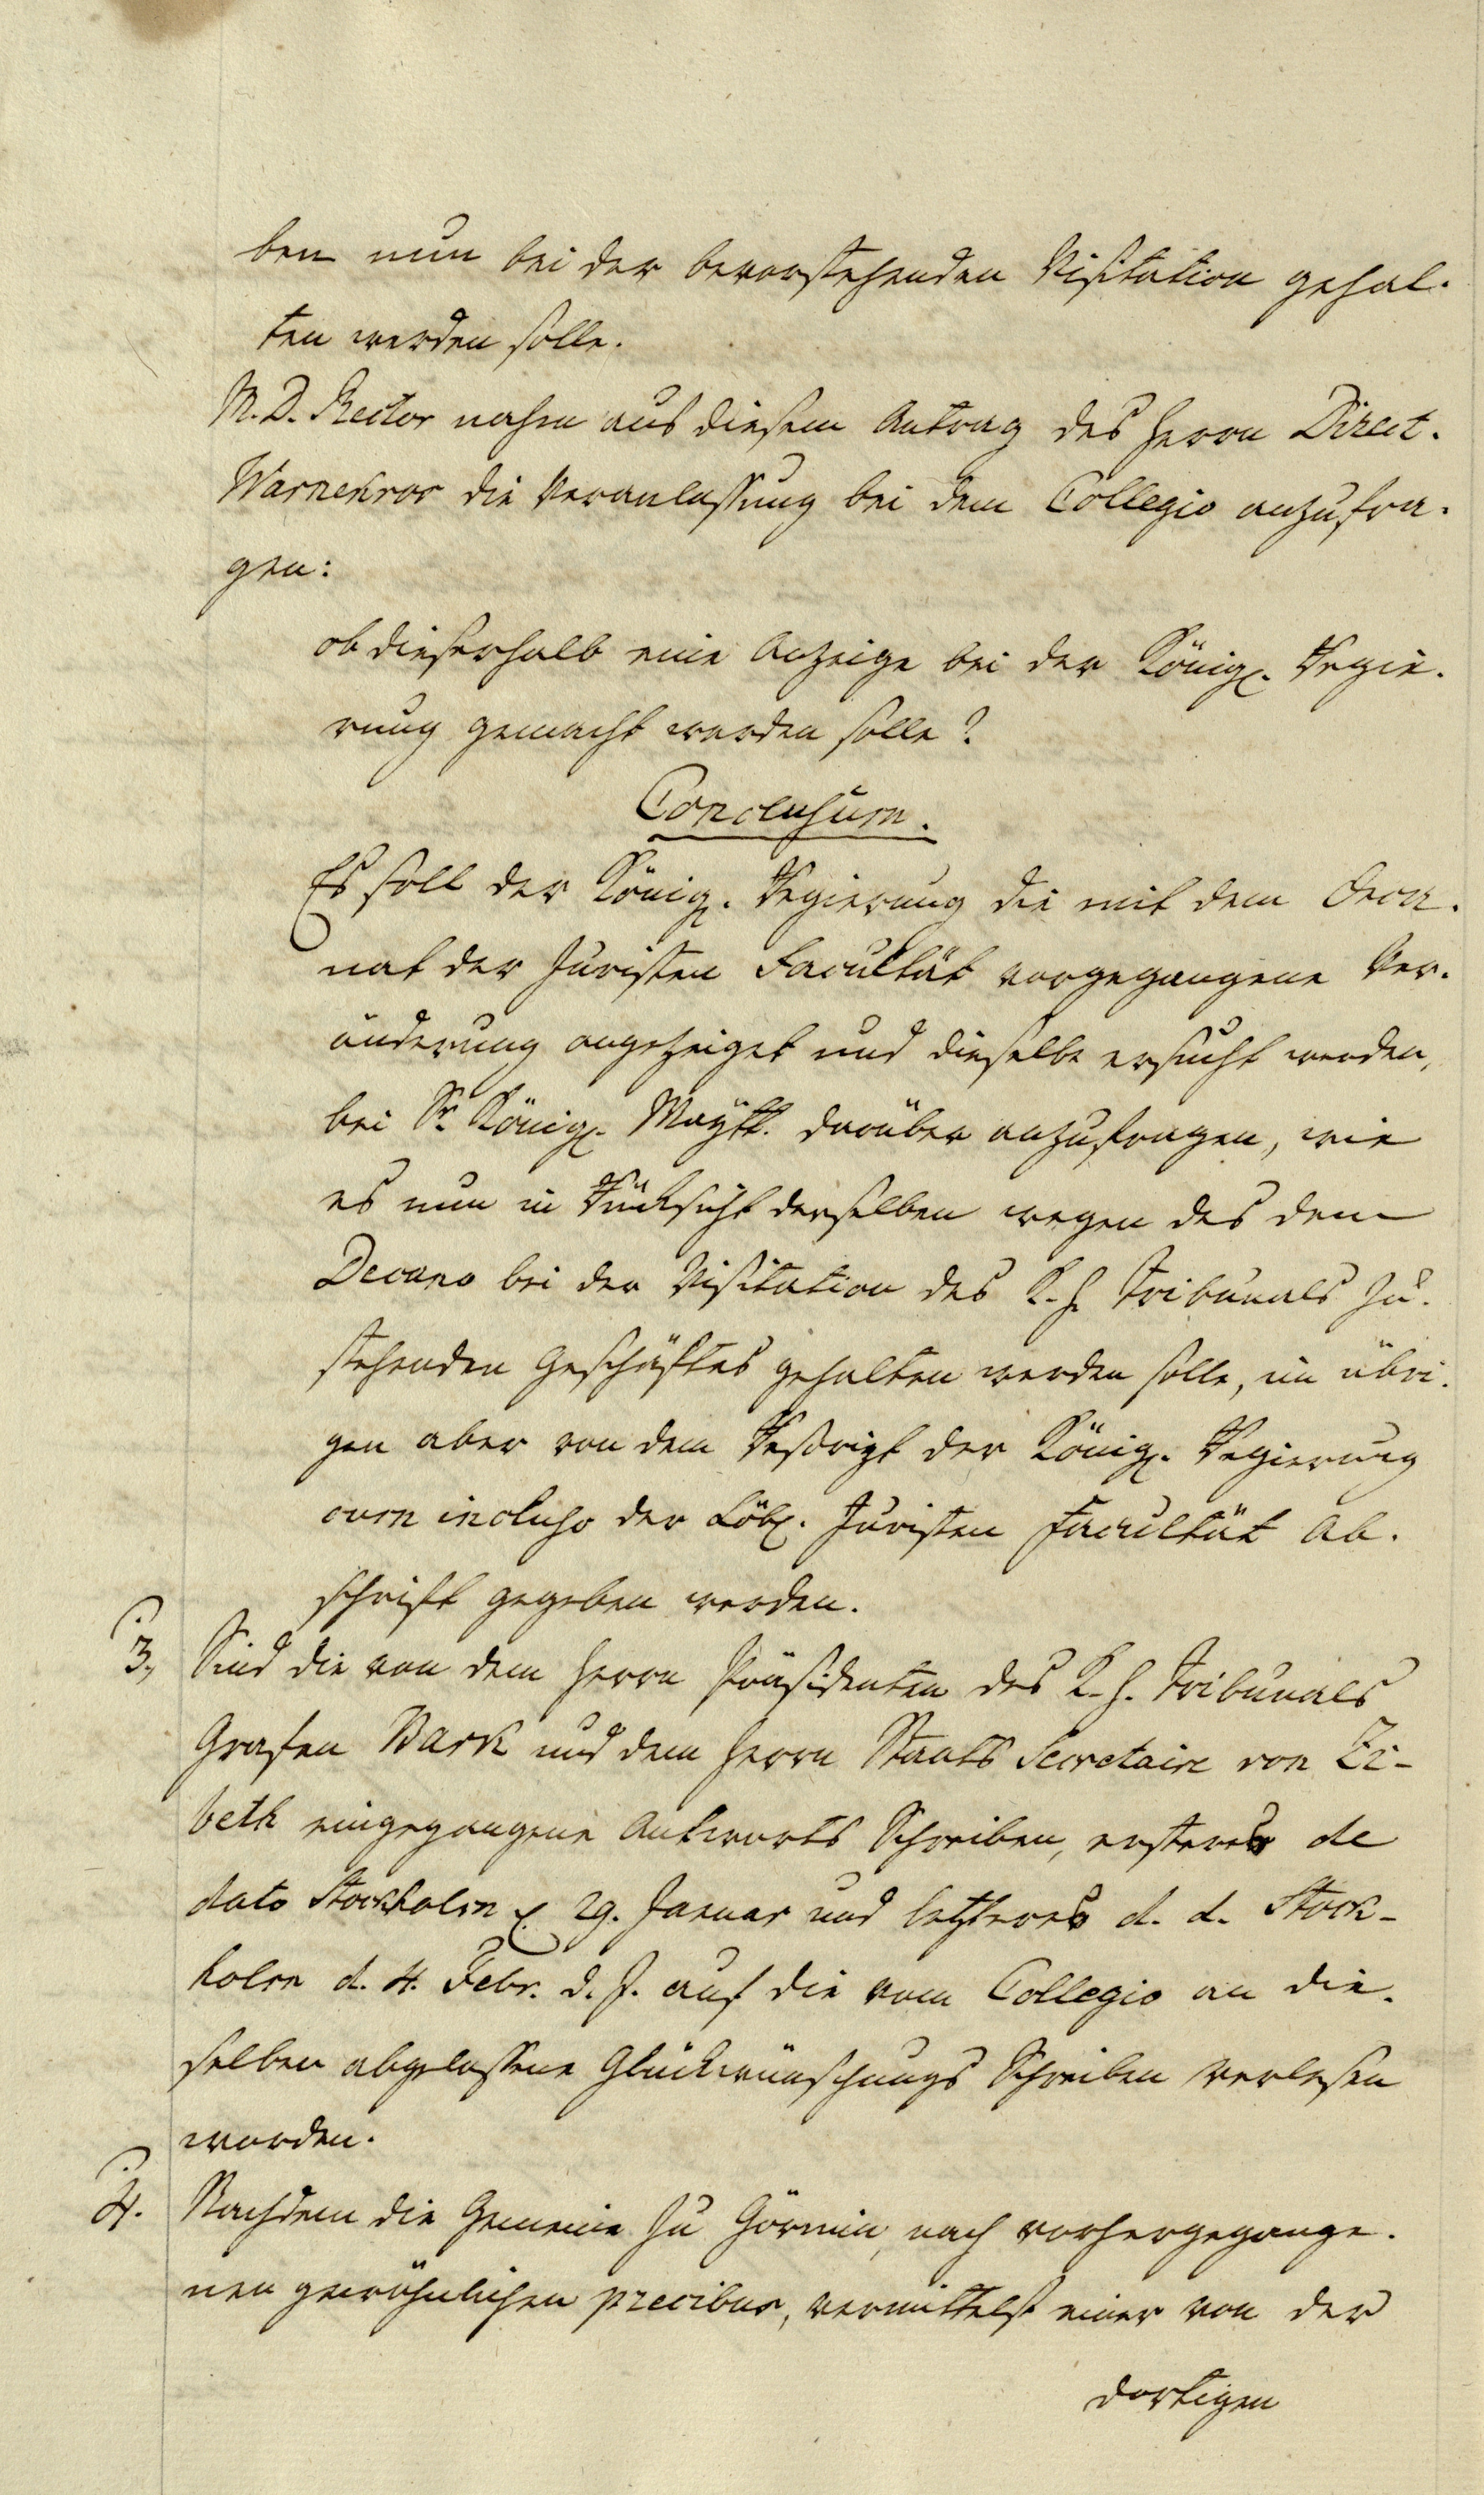ben nun bei der bevorstehenden Visitation gehal¬
ten werden solle.
M. D. Rector nahm aus diesem Antrag des Herrn Direct.
Warnekros die Veranlassung bei dem Collegio anzufra¬
gen:
ob dieserhalb eine Anzeige bei der Königl. Regie¬
rung gemacht werden solle?
Conclusum.
Es soll der König. Regierung die mit dem Deca¬
nat der Juristen Facultät vorgegangene Ver¬
änderung angezeiget und dieselbe ersucht werden,
bei Sr Königl. Maÿtt. darüber anzufragen, wie
es nun in Rücksicht derselben wegen des dem
Decano bei der Visitation des K. h. Tribunals zu¬
stehenden Geschäftes gehalten werden solle, im übri¬
gen aber von dem Rescript der Königl. Regierung
cum incluso der Löbl. Juristen Facultät Ab¬
schrift gegeben werden.
3., Sind die von dem Herrn Präsidenten des K. H. Tribunals
Grafen Bark und dem Herrn Staats Secretaire von Zi¬
beth eingegangene Antworts Schreiben, ersteres de
dato Stockholm d. 29. Januar und letzteres d. d. Stock¬
kolm d. 4. Febr. d. J. auf die vom Collegio an die¬
selben abgelassene Glückwünschungs Schreiben verlesen
worden.
4. Nachdem die Gemeine zu Göormnin nach vorhergegange¬
nen gewöhnlichen precibus, vermittelst einer von der
dortigen